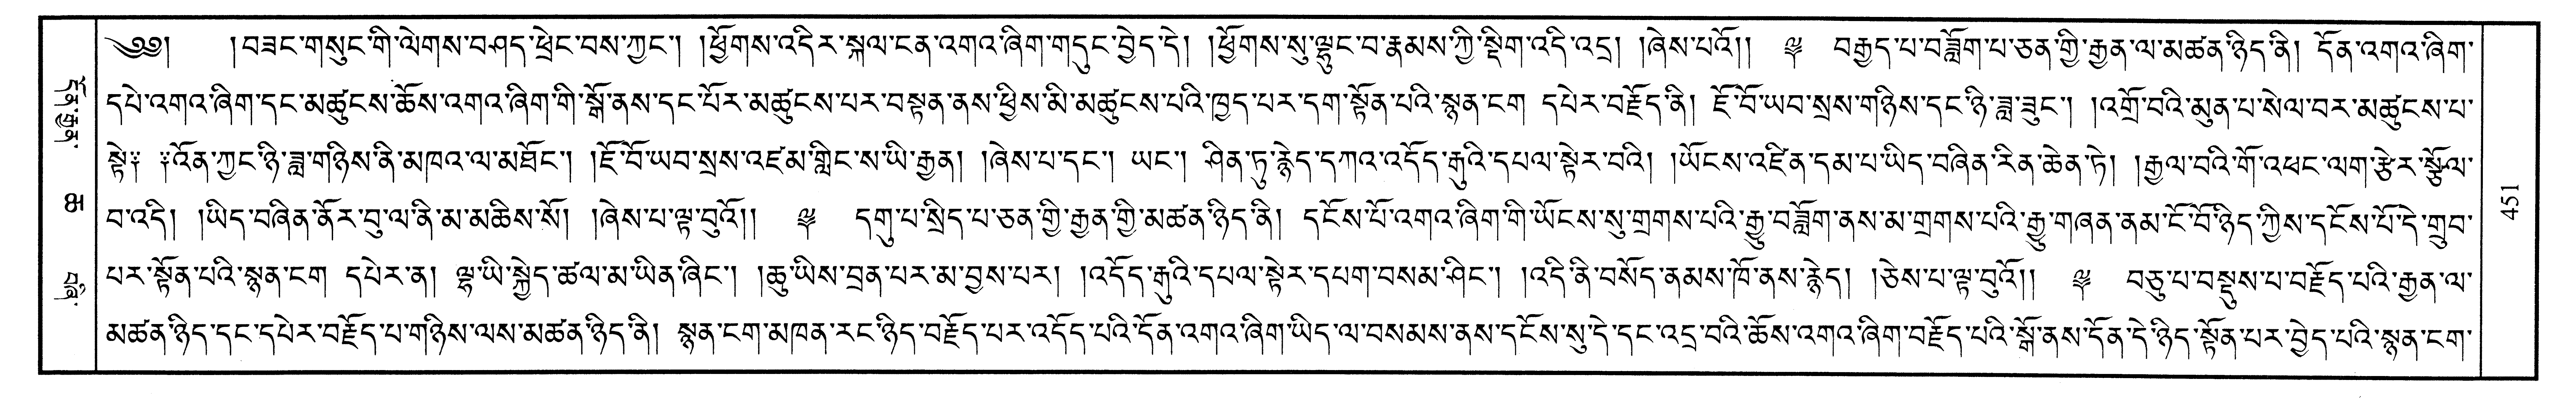༄༅། །བཟང་གསུང་གི་ལེགས་བཤད་ཕྲེང་བས་ཀྱང་། །ཕྱོགས་འདིར་སྐལ་ངན་འགའ་ཞིག་གདུང་བྱེད་དེ། །ཕྱོགས་སུ་ལྷུང་བ་རྣམས་ཀྱི་སྡིག་འདི་འདྲ། །ཞེས་པའོ།། ༈ བརྒྱད་པ་བཟློག་པ་ཅན་གྱི་རྒྱན་ལ་མཚན་ཉིད་ནི། དོན་འགའ་ཞིག་
དཔེ་འགའ་ཞིག་དང་མཚུངས་ཆོས་འགའ་ཞིག་གི་སྒོ་ནས་དང་པོར་མཚུངས་པར་བསྟན་ནས་ཕྱིས་མི་མཚུངས་པའི་ཁྱད་པར་དག་སྟོན་པའི་སྙན་ངག་དཔེར་བརྗོད་ནི། ཇོ་བོ་ཡབ་སྲས་གཉིས་དང་ཉི་ཟླ་ཟུང་། །འགྲོ་བའི་མུན་པ་སེལ་བར་མཚུངས་པ་
སྟེ༑ ༑འོན་ཀྱང་ཉི་ཟླ་གཉིས་ནི་མཁའ་ལ་མཐོང་། །ཇོ་བོ་ཡབ་སྲས་འཛམ་གླིང་ས་ཡི་རྒྱན། །ཞེས་པ་དང་། ཡང་། ཤིན་ཏུ་རྙེད་དཀའ་འདོད་རྒུའི་དཔལ་སྟེར་བའི། །ཡོངས་འཛིན་དམ་པ་ཡིད་བཞིན་རིན་ཆེན་ཏེ། །རྒྱལ་བའི་གོ་འཕང་ལག་རྩེར་སྩོལ་
བ་འདི། །ཡིད་བཞིན་ནོར་བུ་ལ་ནི་མ་མཆིས་སོ། །ཞེས་པ་ལྟ་བུའོ།། ༈ དགུ་པ་སྲིད་པ་ཅན་གྱི་རྒྱན་གྱི་མཚན་ཉིད་ནི། དངོས་པོ་འགའ་ཞིག་གི་ཡོངས་སུ་གྲགས་པའི་རྒྱུ་བཟློག་ནས་མ་གྲགས་པའི་རྒྱུ་གཞན་ནམ་ངོ་བོ་ཉིད་ཀྱིས་དངོས་པོ་དེ་གྲུབ་
པར་སྟོན་པའི་སྙན་ངག་དཔེར་ན། ལྷ་ཡི་སྐྱེད་ཚལ་མ་ཡིན་ཞིང་། །ཆུ་ཡིས་བྲན་པར་མ་བྱས་པར། །འདོད་རྒུའི་དཔལ་སྟེར་དཔག་བསམ་ཤིང་། །འདི་ནི་བསོད་ནམས་ཁོ་ནས་རྙེད། །ཅེས་པ་ལྟ་བུའོ།། ༈ བཅུ་པ་བསྡུས་པ་བརྗོད་པའི་རྒྱན་ལ་
མཚན་ཉིད་དང་དཔེར་བརྗོད་པ་གཉིས་ལས་མཚན་ཉིད་ནི། སྙན་ངག་མཁན་རང་ཉིད་བརྗོད་པར་འདོད་པའི་དོན་འགའ་ཞིག་ཡིད་ལ་བསམས་ནས་དངོས་སུ་དེ་དང་འདྲ་བའི་ཆོས་འགའ་ཞིག་བརྗོད་པའི་སྒོ་ནས་དོན་དེ་ཉིད་སྟོན་པར་བྱེད་པའི་སྙན་ངག་